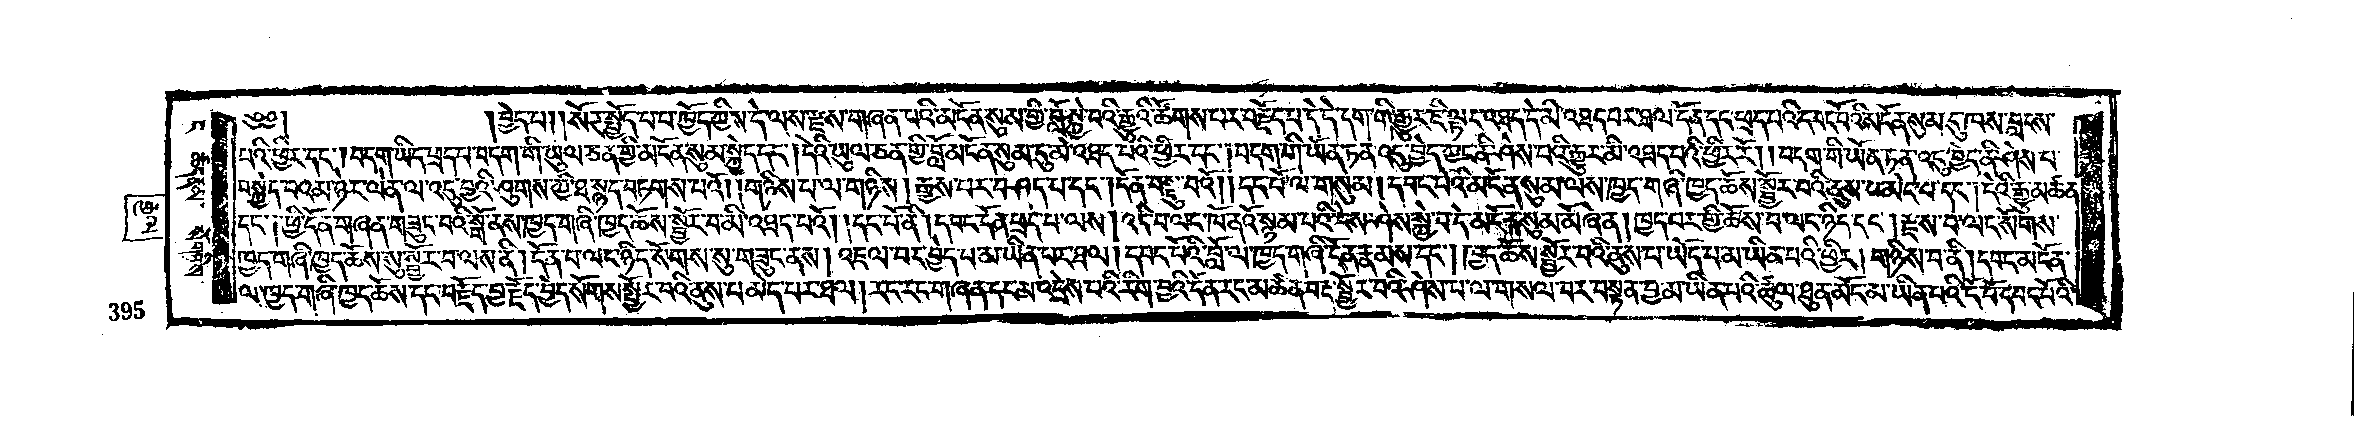༄༅། །བྱེད་པ། །སོགས་སྤྱོད་པ་པ་ཁྱོད་ཀྱིས་དེ་ལས་རྫས་གཞན་པའི་མངོན་སུམ་གྱི་བློ་སྐྱེ་བའི་རྒྱུའི་ཚོགས་པར་བརྗོད་པ་དེ་དེ་དག་གི་རྒྱུར་ཇི་ལྟར་འཐད་དེ་མི་འཐད་པར་ཐལ་དོན་དང་ཕྲད་པའི་དབང་པོའི་མངོན་སུམ་དུ་ཁས་བླངས་
པའི་ཕྱིར་དང་། བདག་ཡིད་ཕྲད་པ་བདག་གི་ཡུལ་ཅན་གྱི་མངོན་སུམ་སྐྱེད་དང་། དེའི་ཡུལ་ཅན་གྱི་བློ་མངོན་སུམ་དུ་མེ་འཐད་པའི་ཕྱིར་དང་། བདག་གི་ཡོན་ཏན་འདུ་བྱེད་ཀྱང་ནི་ཤེས་པའི་རྒྱུར་མི་འཐད་པའི་ཕྱིར་རོ། །བདག་གི་ཡོན་ཏན་འདུ་བྱེད་ནི་ཤེས་པ་
བསྐྱེད་པའམ་ཉེར་ལེན་ལ་འདུ་བྱའི་ཤུགས་ཀྱི་ཐ་སྙད་བཏགས་པའོ། །གཉིས་པ་ལ་གཉིས། རྒྱས་པར་བཤད་པ་དང་། དོན་བསྡུ་བའོ། །དང་པོ་ལ་གསུམ། དབང་པོའི་མངོན་སུམ་ལས་ཁྱད་གཞི་ཁྱད་ཆོས་སྦྱོར་བའི་ཅུས་པ་མེད་པ་དང་། དེའི་རྒྱུ་མཚན་
དང༑ ཕྱི་དོན་གཞན་གཟུང་བའི་སྒོ་ནས་ཁྱད་གཞི་ཁྱད་ཆོས་སྦྱོར་བ་མི་འཐད་པའོ། །དང་པོ་ནི། དབང་དོན་ཕྲད་པ་ལས། འདི་བ་ལང་ཁོ་ནའོ་སྙམ་པའི་ངེས་ཤེས་སྐྱེ་བ་དེ་མངོན་སུམ་མོ་ཞེ་ན། ཁྱད་པར་གྱི་ཆོས་པ་ལང་ཉིད་དང་། རྗེས་པ་ལང་སོགས་
ཁྱད་གཞི་ཁྱད་ཆོས་སུ་སྦྱོར་བ་ལས་ནི། དོན་པ་ལང་ཉིད་སོགས་སུ་གཟུང་ནས། འཇལ་བར་བྱེད་པ་མ་ཡིན་པར་ཐལ། དབང་པོའི་བློ་ལ་ཁྱད་གཞི་དོན་རྣམས་དང་། ཁྱད་ཆོས་སྦྱོར་བའི་ནུས་པ་ཡོད་པ་མ་ཡིན་པའི་ཕྱིར། གཉིས་པ་ནི། དབང་མངོན་
ལ་ཁྱད་གཞི་ཁྱད་ཆོས་དང་བརྗོད་བྱ་རྗོད་བྱེད་སོགས་སྦྱོར་བའི་ནུས་པ་མེད་པར་ཐལ། རང་རང་གཞན་དང་མ་འདྲེས་པའི་རིག་བྱའི་དོན་རང་མཚན་བརྡ་སྦྱོར་བའི་ཤེས་པ་ལ་གསལ་བར་བསྟན་བྱ་མ་ཡིན་པའི་ཚུལ་ཐུན་མོང་མ་ཡིན་པའི་ངོ་བོ་དབང་པོའི་